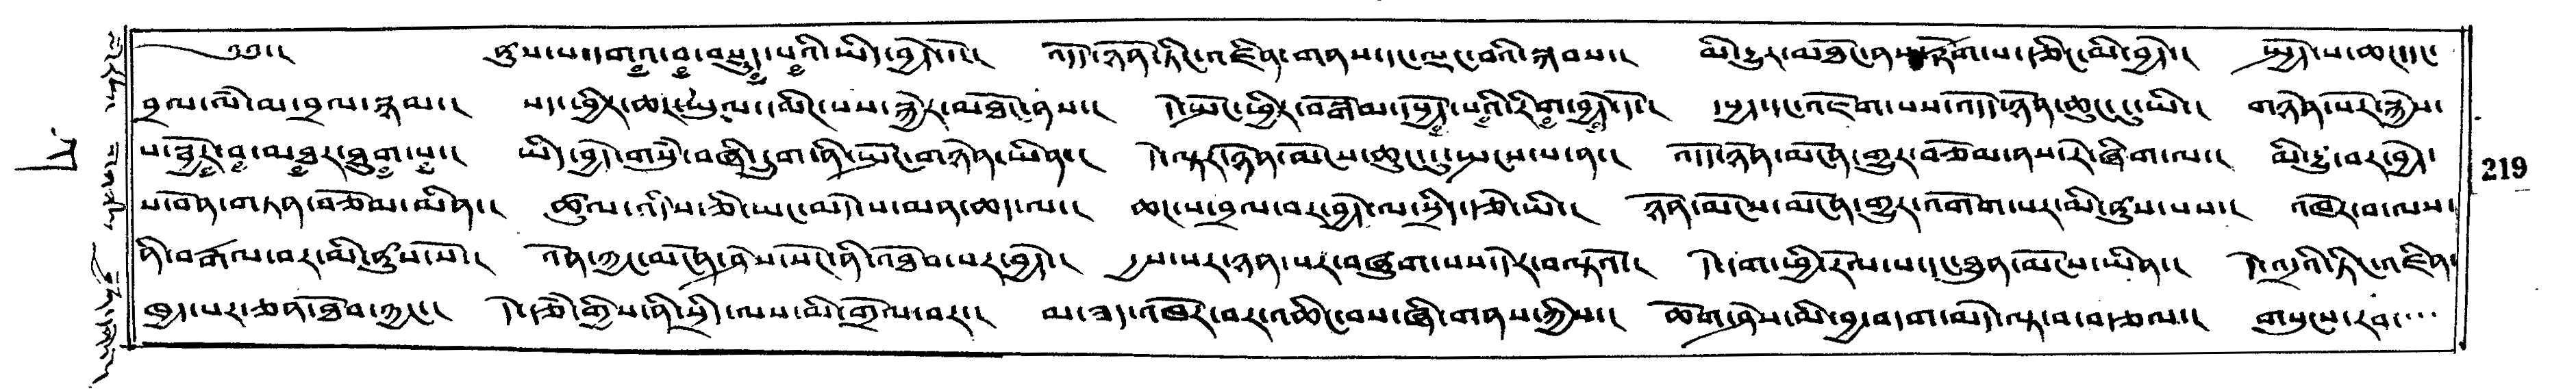ནུས་པ་དགའ་བ་བསྡུད་པའི་ཡིད་བྱེད་དོ། །འདོད་ཉོན་ཏིང་འཛིན་གནས་དང་ལྡང་བའི་སྐབས། །མི་རྒྱུར་མཐོང་ནས་རྟོག་པ་རྩིང་མི་བྱེད། །སྤྱོད་པ་ཆགས་དང་
བྲལ་ལམ་མ་བྲལ་སྙམ། །སད་ཕྱིར་ཆགས་ཡུལ་དམིགས་པས་སྐྱེད་མཐོང་ནས། །དེ་སྤོང་ཕྱིར་བསྒོམ་དཔྱོད་པའི་རིག་བྱེད་དོ། །དཔྱད་དང་འཇོག་པས་འདོད་ཉོན་ཆུང་ངུ་ཡི། །གཉེན་པོར་སྐྱེས་
པ་སྦྱོར་བ་མཐར་ཐུག་པ། །ཡིད་བྱེད་གསུམ་བཞི་དྲུག་ནི་སྤོང་གཉེན་ཡིན། །དེ་ལྟར་ཉོན་མོངས་ཆུང་ངུ་སྤངས་པ་ན། །འདོད་ཉོན་མངོན་གྱུར་བཅོམ་ནས་རེ་ཞིག་ལ། །མི་རྒྱུ་བར་བྱེད་
ས་བོན་གཏན་བཅོམ་མིན། །ཚུལ་འདིས་ཅི་ཡང་མེད་པ་མན་ཆད་ལ། །ཆགས་པ་བྲལ་བར་བྱེད་ལ་སྲིད་རྩེ་ཡི། །ཉོན་མོངས་མངོན་གྱུར་འགོག་པར་མི་ནུས་པས། །འཁོར་བ་ལས་
ནི་བརྒལ་བར་མི་ནུས་སོ། །འོན་ཀྱང་མངོན་ཤེས་སོགས་ནི་འཐོབ་པར་བྱེད། །རྒྱས་པར་ཉན་སར་བཞུགས་པས་དེར་བལྟའོ། །དེ་དག་ཕྱི་རོལ་པ་དང་ཐུན་མོང་ཡིན། །དེ་འདྲའི་ཏིང་འཛིན་
ཁྱད་པར་ཅན་ཐོབ་ཀྱང་། །དེ་ཙམ་གྱིས་ནི་སྲིད་ལས་མི་གྲོལ་བར། །མ་ཟད་འཁོར་བར་འཆིང་བས་ཞི་གནས་ཀྱི། །ཆོག་ཤེས་མི་བྱ་བདག་མེད་ལྟ་བ་བཙལ། །གསུང་རབ་